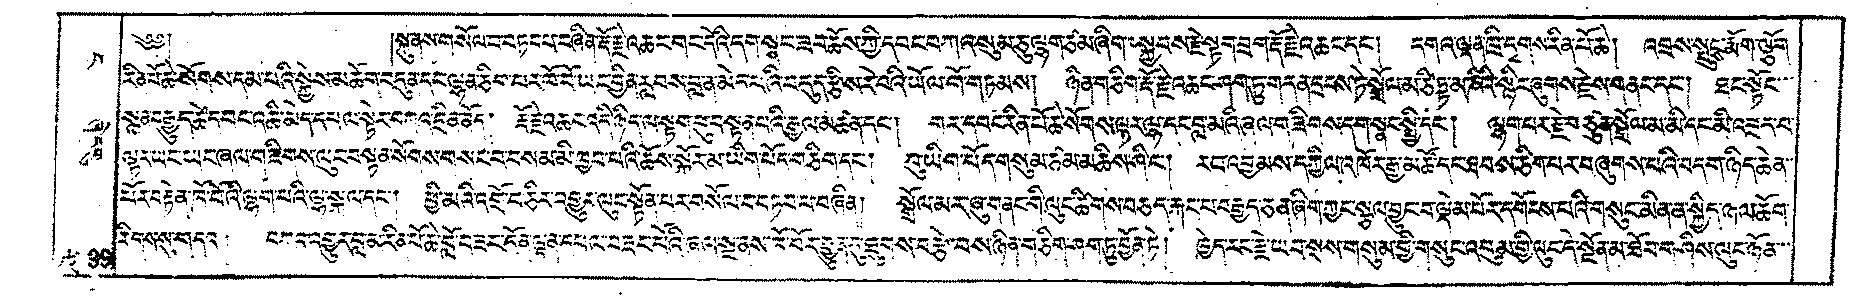༄༅། །སྐུ་ནས་གསོལ་བ་བཏབ་པ་བཞིན་རྡོ་རྗེ་འཆང་གང་དེའི་དག་སྣང་ཟབ་ཆོས་ཀྱི་དབང་བཀའ་སུམ་ཅུ་ལྷག་ཙམ་ཞིག་༧སྐྱབས་རྗེ་སྟག་བྲག་རྡོ་རྗེ་འཆང་དང་། དགའ་ལྡན་ཁྲི་དྭགས་རིན་པོ་ཆེ། འབྲས་སྤུངས་རྨོག་ལྕོག་
རིན་པོ་ཆེ་སོགས་དམ་པའི་སྐྱེས་མཆོག་བདུན་དང་ལྷན་ཅིག་པར་ཁོ་བོ་ཡང་བྱིན་རླབས་བླ་ན་མེད་པའི་བདུད་རྩིས་རེ་བའི་ཡོལ་གོ་གཏམས། ཉིན་གཅིག་རྡོ་རྗེ་འཆང་ཤག་ཏུ་གདན་དྲངས་ཏེ་སྒྲོལ་མ་ཙིཏྟ་མ་ཎིའི་སྙིང་ཞུགས་རྗེས་གནང་དང་། ཐང་སྟོང་
སྙན་བརྒྱུད་ཚེ་དབང་འཆི་མེད་དཔལ་སྟེར་བཀའ་དྲིན་ནོད། རྡོ་རྗེ་འཆང་འདི་ཉིད་ལ་སྟག་ཕུ་བསྟན་པའི་རྒྱལ་མཚན་དང་། གར་དབང་རིན་པོ་ཆེ་སོགས་ལྟར་ལྷ་དང་བླ་མའི་ཞལ་གཟིགས་དག་སྣང་སྤྱི་དང་། ལྷག་པར་རྗེ་བཙུན་སྒྲོལ་མ་མི་དང་མི་འཕྲད་པ་
ལྟར་ཡང་ཡང་ཞལ་གཟིགས་ལུང་བསྟན་སོགས་གསང་བ་བསམ་མི་ཁྱབ་པའི་ཆོས་སྐོར་མ་ཡིག་པོད་གཅིག་དང་། བུ་ཡིག་པོད་གསུམ་ཙམ་མཆིས་ཤིང་། རབ་འབྱམས་དཀྱིལ་འཁོར་རྒྱ་མཚོ་དང་ཐབས་ཅིག་པར་བཞུགས་པའི་བདག་ཉིད་ཆེན་
པོར་བརྟེན་ཁོ་བོའི་ལྷག་པའི་ལྷ་སྐལ་དང་། ཕྱི་མའི་འགྲོ་བ་ཅིར་འགྱུར་ལུང་སྟོན་པར་གསོལ་བ་བཏབ་པ་བཞིན། སྒྲོལ་མར་ཞུ་གནང་གི་ལུང་ཚིགས་བཅད་རྐང་པ་བརྒྱད་ཅན་ཞིག་ཀྱང་སྩལ་བྱུང་བ་ལྡེམ་པོར་དགོངས་པའི་གསུང་མིན་ན་སྐྱིད་ཉལ་ཆོག་
རིགས་སུ་གདའ། བཀའ་འགྱུར་བླ་མ་རིན་པོ་ཆེ་བློ་བཟང་དོན་ལྡན་དཔལ་བཟང་པོའི་ཞལ་སྔ་ནས་ཁོ་བོར་རྒྱུན་དུ་ཐུགས་བརྩེ་བས་ཉིན་གཅིག་ཤག་ཏུ་བྱོན་ཏེ། ཁྱེད་རང་རྗེ་ཡབ་སྲས་གསུམ་གྱི་གསུང་འབུམ་གྱི་ལུང་དེ་སྔོན་མ་ཐོབ་གཤིས་ལུང་ཉོན་